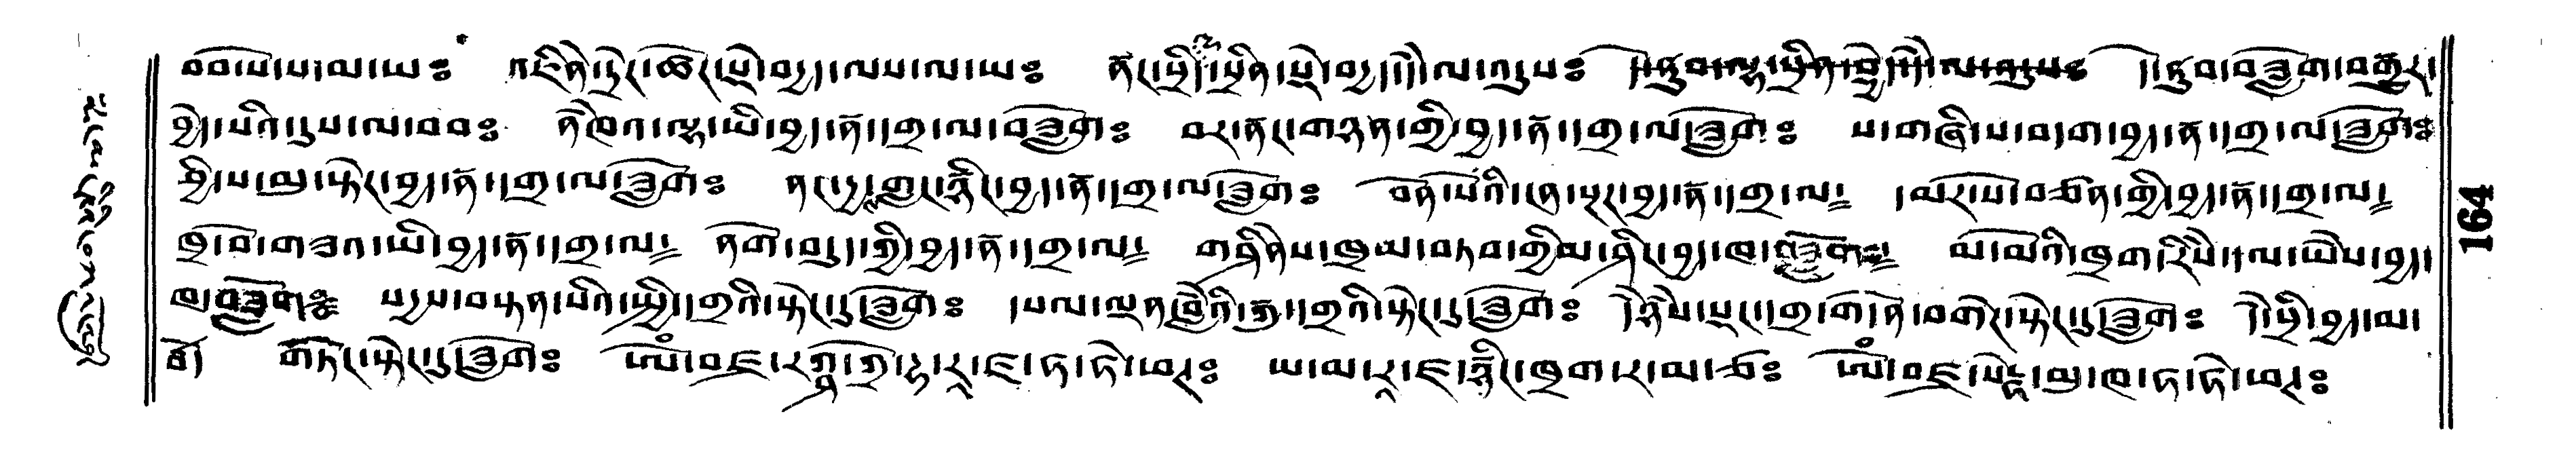བབ་པོ་ས་མ་ཡ༔ འཇིགས་ཆེན་དྲེགས་ཚོགས་སྡེ་བརྒྱད་ལས་ལ་ཡ༔ སྣང་སྲིད་ལྷ་སྲིན་སྡེ་བརྒྱད་དམ་ལ་འདུས༔ དོ་ནུབ་ཟློག་སྒྱུར་
བྱེད་པའི་དུས་ལ་བབ༔ ནམ་མཁའ་ལྷ་ཡི་བྱད་སྣ་དགྲ་ལ་ཟློག༔ བར་སྣང་གཉན་གྱི་བྱད་སྣ་དགྲ་ལ་ཟློག༔ ས་གཞི་ས་བདག་བྱད་སྣ་དགྲ་ལ་ཟློག༔ 
ཕྱི་པ་མུ་སྟེགས་བྱད་སྣ་དགྲ་ལ་ཟློག༔ ནང་པ་སངས་རྒྱས་བྱད་སྣ་དགྲ་ལ་ཟློག༔ བོན་པོའྀ་ངན་སྔགས་བྱད་སྣ་དགྲ་ལ་ཟློག༔ དམར་པོ་བཙན་གྱི་བྱད་སྣ་དགྲ་ལ་
ཁྲ་བོ་གཟའ་ཡི་བྱད་སྣ་དགྲ་ལ་ཟློག༔ ནག་པོ་བདུད་ཀྱི་བྱད་སྣ་དགྲ་ལ་ཟློག༔ གཤིན་རྗེས་ཁྲམ་བཏབ་གྱིམ་ཤིང་བྱད་ཁ་ཟློག༔ མ་མོའི་ཁྲག་རིམས་དལ་ཡམ་བྱད་
ཁ་ཟློག༔ སངས་རྒྱས་བསྟན་པའི་སྤྱི་དགྲའི་སྟེང་དུ་ཟློག༔ དཔལ་ལྡན་བླ་མའི་སྐུ་དགྲའི་སྟེང་དུ་ཟློག༔ དམ་ཉམས་སྡང་དགྲ་གདོན་བགེགས་སྟེང་དུ་ཟློག༔དམ་སྲི་བྱད་མ་
རྦོད་གཏོང་སྟེང་དུ་ཟློག༔ ཨོཾ་བཛྲ་རཀྴ་ཀྲོ་ཧ་རཱ་ཛ་ཧ་ཧེ་ཕཊ༔ ཡ་མ་རཱ་ཛ་སྙིང་ཁྲག་ར་མ་ཙ༔ ཨོཾ་བཛྲ་སཻདྷ་མུ་ཁ་ཧ་ཧེ་ཕཊ༔